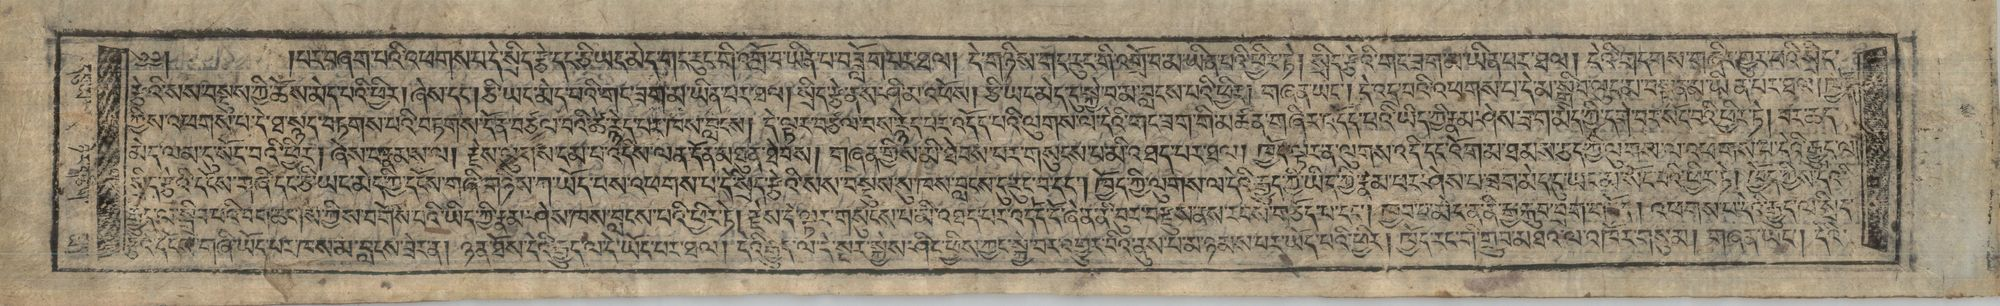༄༅། །པར་བཞག་པའི་འཕགས་པ་དེ་སྲིད་རྩེ་དང་ཅི་ཡང་མེད་གང་རུང་གི་འགྲོ་བ་ཡིན་པ་བཟློག་པར་ཐལ། དེ་གཉིས་གང་རུང་གི་འགྲོ་བ་མ་ཡིན་པའི་ཕྱིར་ཏེ། སྲིད་རྩེའི་གང་ཟག་མ་ཡིན་པར་ཐལ། དེའི་གདགས་གཞིར་གྱུར་པའི་སྲིད་
རྩེའི་སས་བསྡུས་ཀྱི་ཆོས་མེད་པའི་ཕྱིར། ཞེས་དང་། ཅི་ཡང་མེད་པའི་གང་ཟག་མ་ཡིན་པར་ཐལ། སྲིད་རྩེ་ནས་ཤི་མ་འཕོས། ཅི་ཡང་མེད་དུ་སྐྱེ་བ་མ་བླངས་པའི་ཕྱིར། གཞན་ཡང་། དེ་འདྲ་བའི་འཕགས་པ་དེ་མ་སྒྲིབ་ལུང་མ་བསྟན་མ་ཡིན་པར་ཐལ། ཁྱོད་
ཀྱིས་འཕགས་པ་དེ་ཐ་སྙད་བཏགས་པའི་བཏགས་དོན་བཙལ་བའི་ཚེ་རྙེད་པར་ཁས་བླངས། དེ་ལྟར་བཙལ་བས་རྙེད་པར་འདོད་པའི་ལུགས་ལ་དེའི་གང་ཟག་གི་མཚན་གཞིར་འདོད་པའི་ཡིད་ཀྱི་རྣམ་ཤེས་ཟག་མེད་ཀྱི་དགེ་བར་སོང་བའི་ཕྱིར་ཏེ། བར་ཆད་
མེད་ལམ་དུ་སོང་བའི་ཕྱིར། ཞེས་པ་རྣམས་ལ། །རྗེས་ལུགས་དམ་པ་འདིས་ལན་དོན་མཐུན་ཐེབས། གཞན་གྱིས་མི་ཐེབས་པར་གསུངས་པ་མི་འཐད་པར་ཐལ། ཁྱོད་ལྟར་ན་ལུགས་འདི་དང་འོག་མ་ཐམས་ཅད་ཀྱི་ལུགས་ལ་འཕགས་པ་དེའི་རྒྱུད་ལ།
སྲིད་རྩེའི་དངོས་གཞི་དང་ཅི་ཡང་མེད་ཀྱི་དངོས་གཞི་གཉིས་ཀ་ཡོད་པས་འཕགས་པ་དེ་སྲིད་རྩེའི་སས་བསྡུས་སུ་ཁས་བླང་དུ་རུང་བ་དང་། ཁྱོད་ཀྱི་ལུགས་ལ་དེའི་རྒྱུད་ཀྱི་ཡིད་ཀྱི་རྣམ་པར་ཤེས་པ་ཟག་མེད་དུ་ཡང་མ་སོང་བའི་ཕྱིར་ཏེ། ཁྱོད་ཀྱིས་དེའི་
རྒྱུད་ལ་སྒྲིབ་པའི་བག་ཆགས་ཀྱིས་བགོས་པའི་ཡིད་ཀྱི་རྣམ་ཤེས་ཁས་བླངས་པའི་ཕྱིར་ཏེ། རྗེས་དེ་ལྟར་གསུངས་པ་མི་འཐད་པར་འདོད་དོ་ཞེ་ན་ནི་བུར་བརྫུསྣས་རབས་གཅོད་པ་དང་། ཁྱབ་པ་མེད་ན་ནི་རྒྱ་རྐུབ་བྲག་ལ་གཏོང་། འཕགས་པ་དེའི་རྒྱུད་ལ་སྲིད་
རྩེའི་དངོས་གཞི་ཡོད་པར་ཁས་མ་བླངས་ཟེར་ན། ཉན་ཐོས་དེའི་རྒྱུད་ལ་དེ་ཡོད་པར་ཐལ། དེའི་རྒྱུད་ལ་དེ་སྔར་སྐྱེས་ཤིང་ཕྱིས་ཀྱང་སྐྱེ་བར་འགྱུར་བའི་ནུས་པ་མ་ཉམས་པར་ཡོད་པའི་ཕྱིར། ཁྱོད་རང་གི་གྲུབ་མཐའ་ལ་འཁོར་གསུམ། གཞན་ཡང་། དེའི་